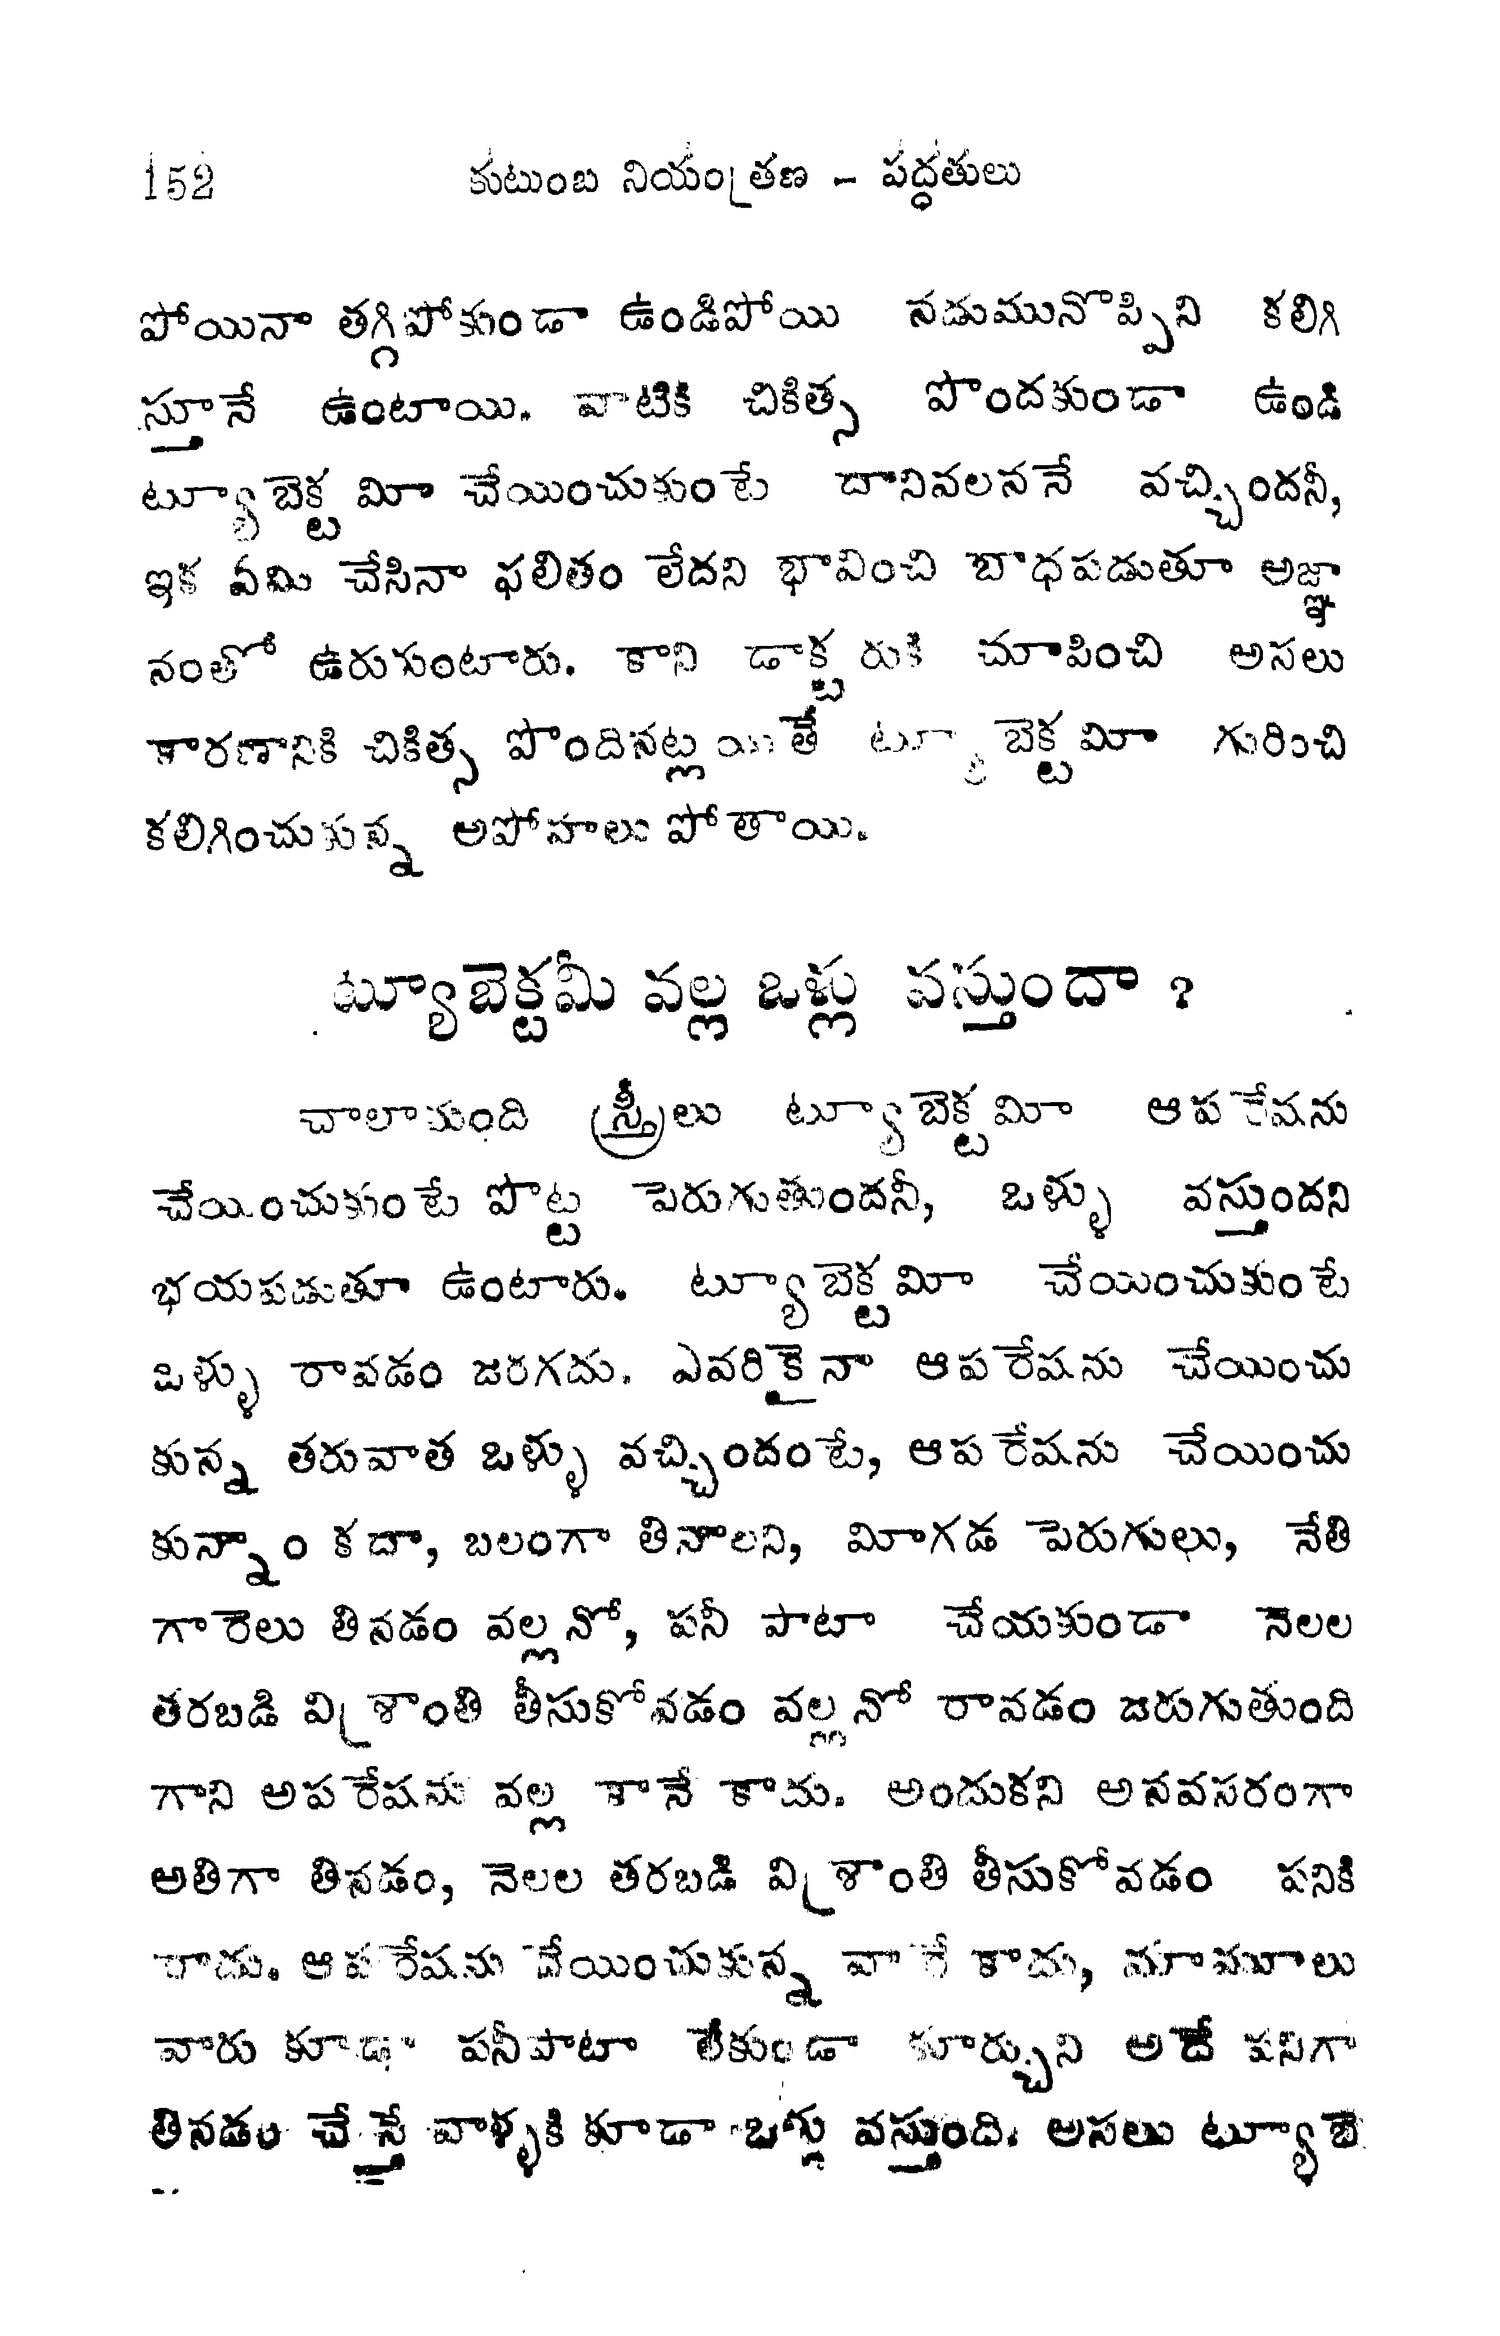పోయినా తగ్గిపోకుండా ఉండిపోయి నడుమునొప్పిని కలిగిస్తూనే ఉంటాయి. వాటికి చికిత్స పొందకుండా ఉండి ట్యూబెక్టమీ చేయుంచుకుంటే దానివలన వచ్చిందనీ, ఇక ఏమి చేసినా ఫలితం లేదని భావించి భాధపడుతూ అజ్ఞానంతో ఊరుకుంటారు. కాని డాక్టరుకి చూపించి అసలు కారణానికి చికిత్స పొందినట్లయుతే ట్యూబెక్టమీ గురించి కలిగించుకున్న ఆపోహలుపోతాయి

చాలామంది స్త్రీలు ట్యూబెక్టమీ ఆపరేషను చేయించుకుంటే పొట్టపెరుగుతుందనీ, ఒళ్ళు వస్తుందని భయపడుతూ ఉంటారు. ట్యూబెక్టమీ చేయించుకుంటే ఒళ్ళు రావడం జరగదు. ఎవరికైనా ఆపరేషను చేయించుకున్న తరువాత ఒళ్ళు వచ్చిందంటే, ఆపరేషను చేయించుకున్నాం కదా, బలంగా తినాలని, మీగడ పెరుగులు, నేతి గారెలు తినడం వల్లనో, పనీ పాటా చేయకుండా నెలల తరబడి విశ్రాంతి తీసుకోవడం వల్లనో రావడం జరుగుతుంది.గాని ఆపరేషను వల్ల కానే కాదు. అందుకని అనవసరంగా అతిగా తినడం నెలల తరబడి విశ్రాంతి తీసుకోవడం పనికిరాదు. ఆపరేషను చేయించుకున్న వారే కాదు, మామూలువారు కూడా పనీపాటా లేకుండా కూర్చుని అదేపనిగా తినడం చేస్తే వాళ్ళకి కూడా ఒళ్ళు వస్తుంది.అసలు ట్యూబె